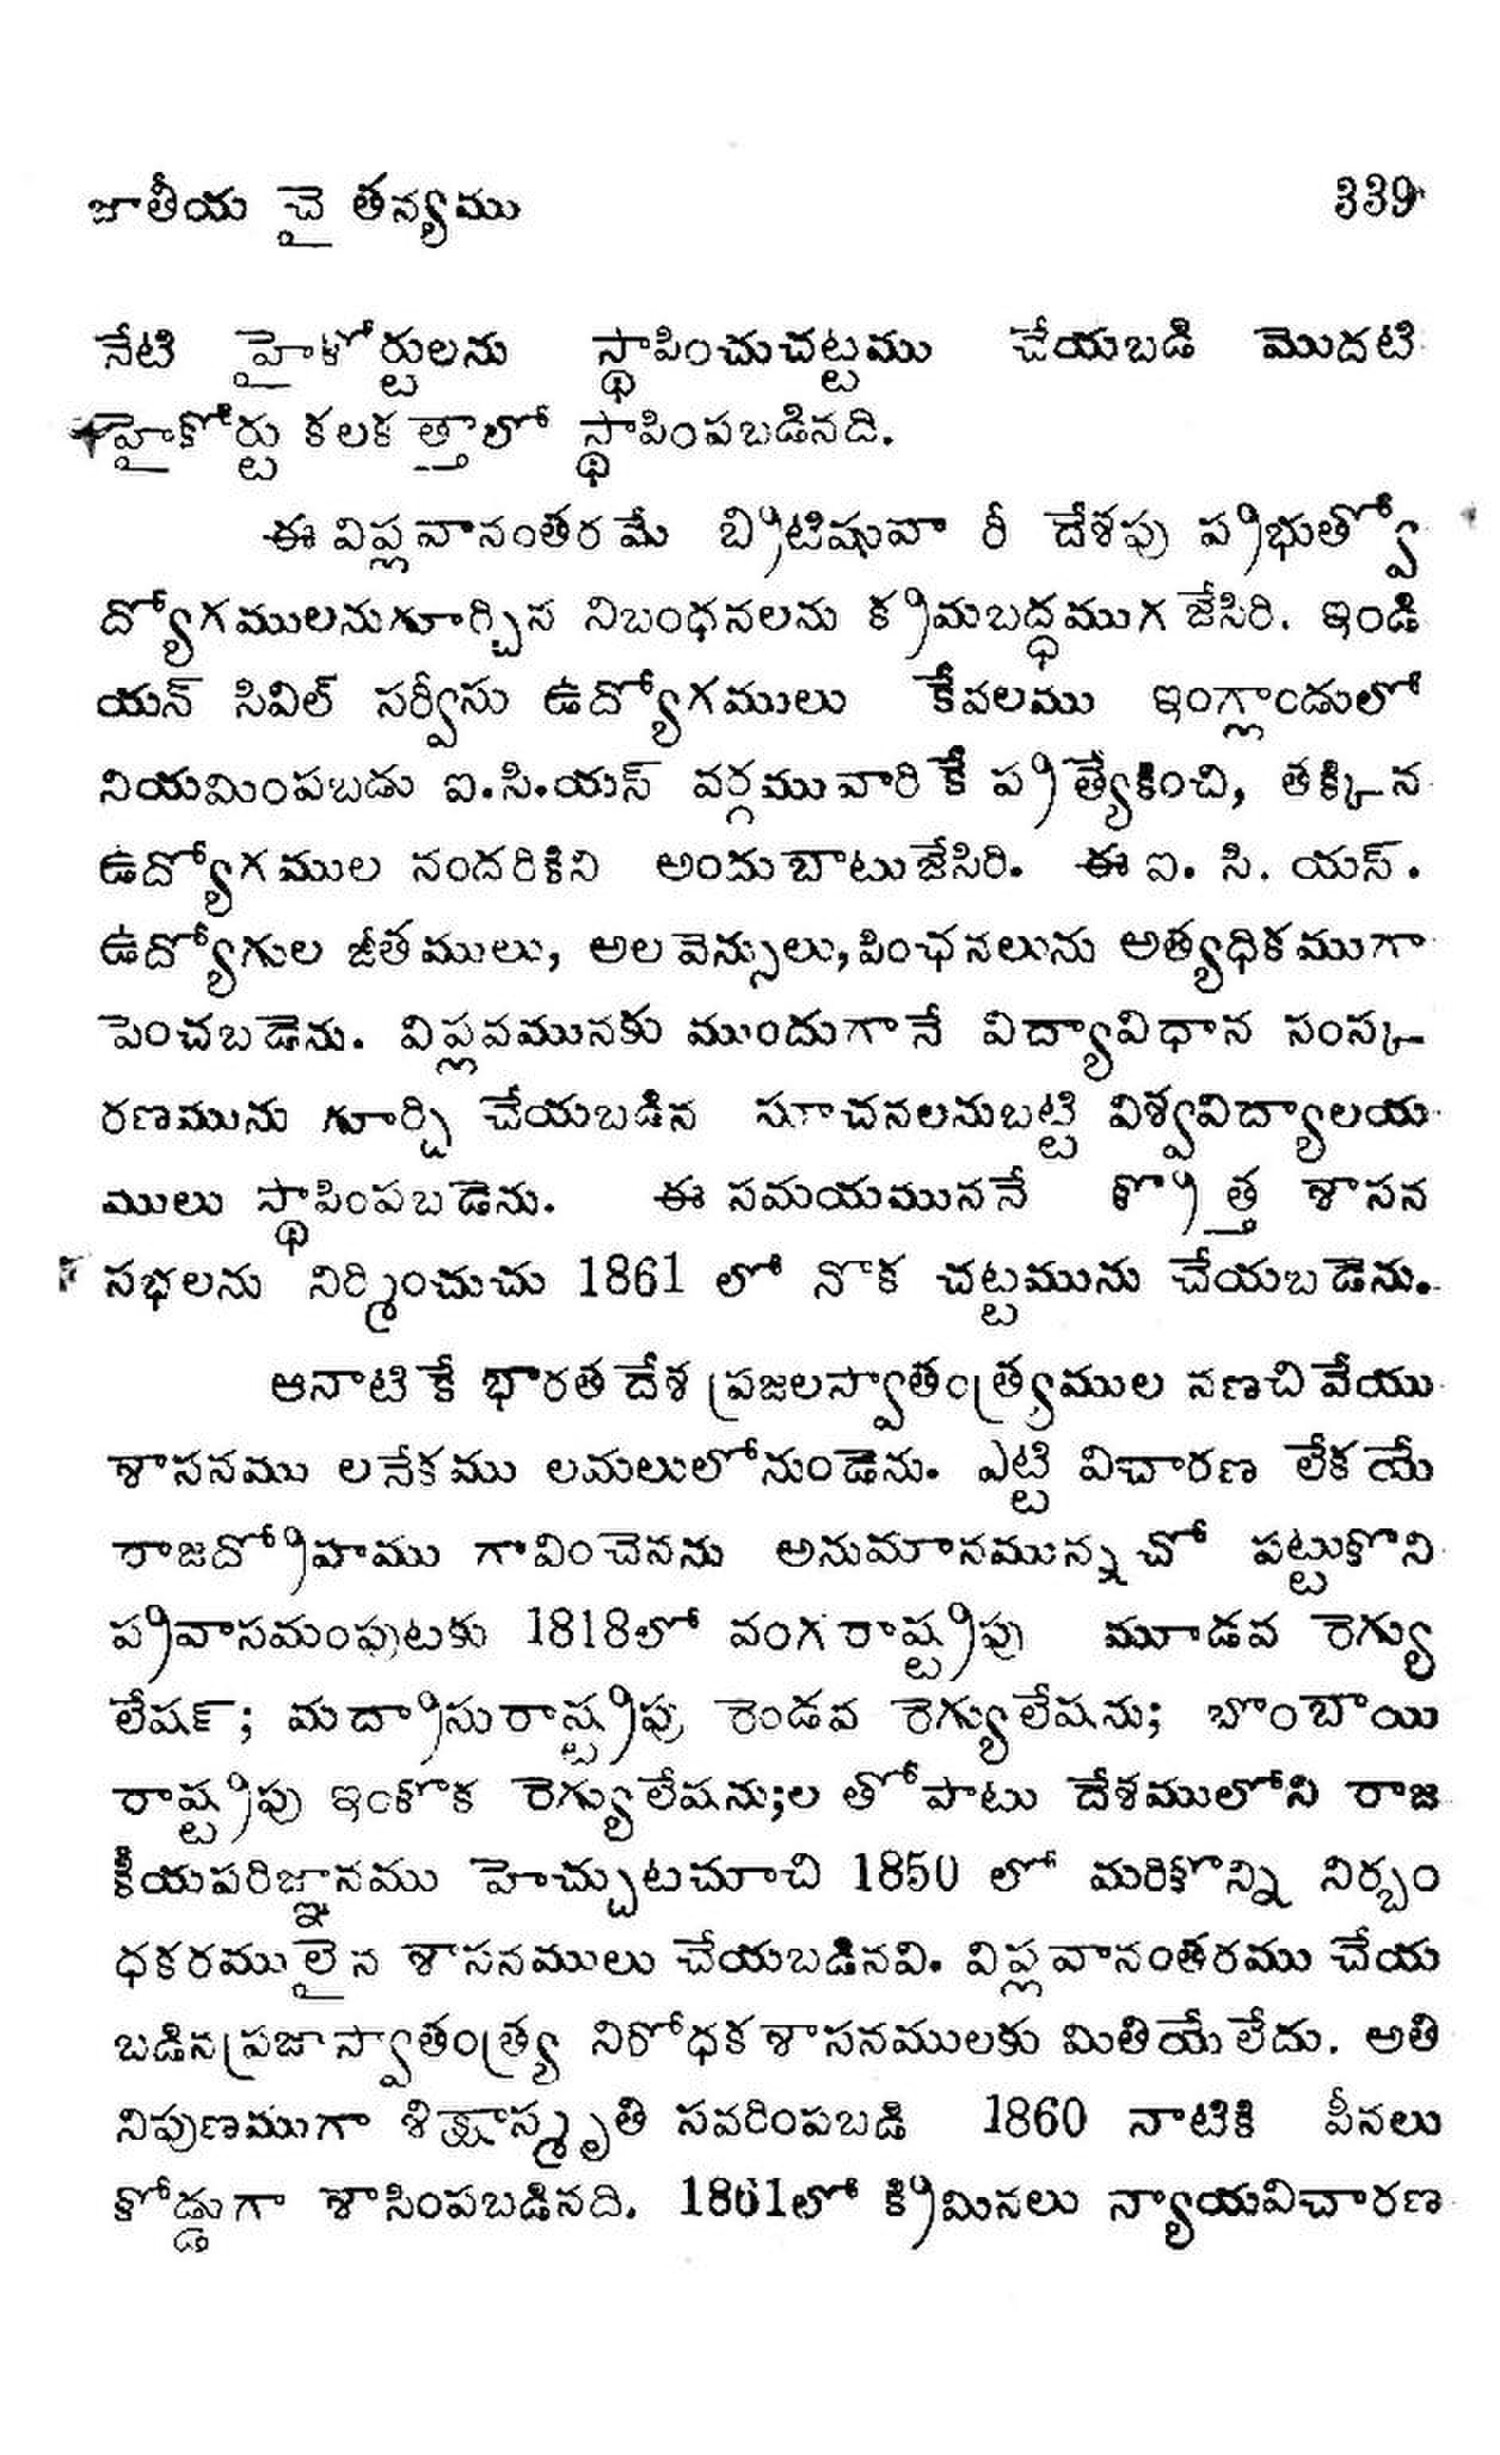నేటి హైకోర్టులను స్థాపించుచట్టము చేయబడి మొదటి హైకోర్టు కలకత్తాలో స్థాపింపబడినది.

ఈ విప్లవానంతరమే బ్రిటిషువా రీ దేశపు ప్రభుత్వోద్యోగములనుగూర్చిన నిబంధనలను క్రమబద్దముగజేసిరి. ఇండియన్ సివిల్ సర్వీసు ఉద్యోగములు కేవలము ఇంగ్లాండులో నియమింపబడు ఐ.సి.యస్ వర్గమువారికే ప్రత్యేకించి, తక్కిన ఉద్యోగముల నందరికిని అందుబాటుజేసిరి. ఈ ఐ. సి. యస్ . ఉద్యోగుల జీతములు, అలవెన్సులు, పింఛనలును అత్యధికముగా పెంచబడెను. విప్లవమునకు ముందుగానే విద్యావిధాన సంస్కరణమును గూర్చి చేయబడిన సూచనలనుబట్టి విశ్వవిద్యాలయములు స్థాపింపబడెను. ఈ సమయముననే క్రొత్త శాసనసభలను నిర్మించుచు 1861 లో నొక చట్టమును చేయబడెను.

ఆనాటికే భారతదేశ ప్రజలస్వాతంత్ర్యముల నణచివేయు శాసనము లనేకము లమలులోనుండెను. ఎట్టి విచారణ లేకయే రాజద్రోహము గావించెనను అనుమానమున్నచో పట్టుకొని ప్రవాసమంపుటకు 1818లో వంగరాష్ట్రపు మూడవ రెగ్యులేష౯; మద్రాసురాష్ట్రపు రెండవ రెగ్యులేషను; బొంబాయిరాష్ట్రపు ఇంకొక రెగ్యులేషను;ల తోపాటు దేశములోని రాజకీయపరిజ్ఞానము హెచ్చుటచూచి 1850 లో మరికొన్ని నిర్బంధకరములైన శాసనములు చేయబడినవి. విప్లవానంతరము చేయబడిన ప్రజాస్వాతంత్ర్య నిరోధకశాసనములకు మితియేలేదు. అతి నిపుణముగా శిక్షాస్మృతి సవరింపబడి 1860 నాటికి పీనలు కోడ్డుగా శాసింపబడినది. 1861లో క్రిమినలు న్యాయవిచారణ